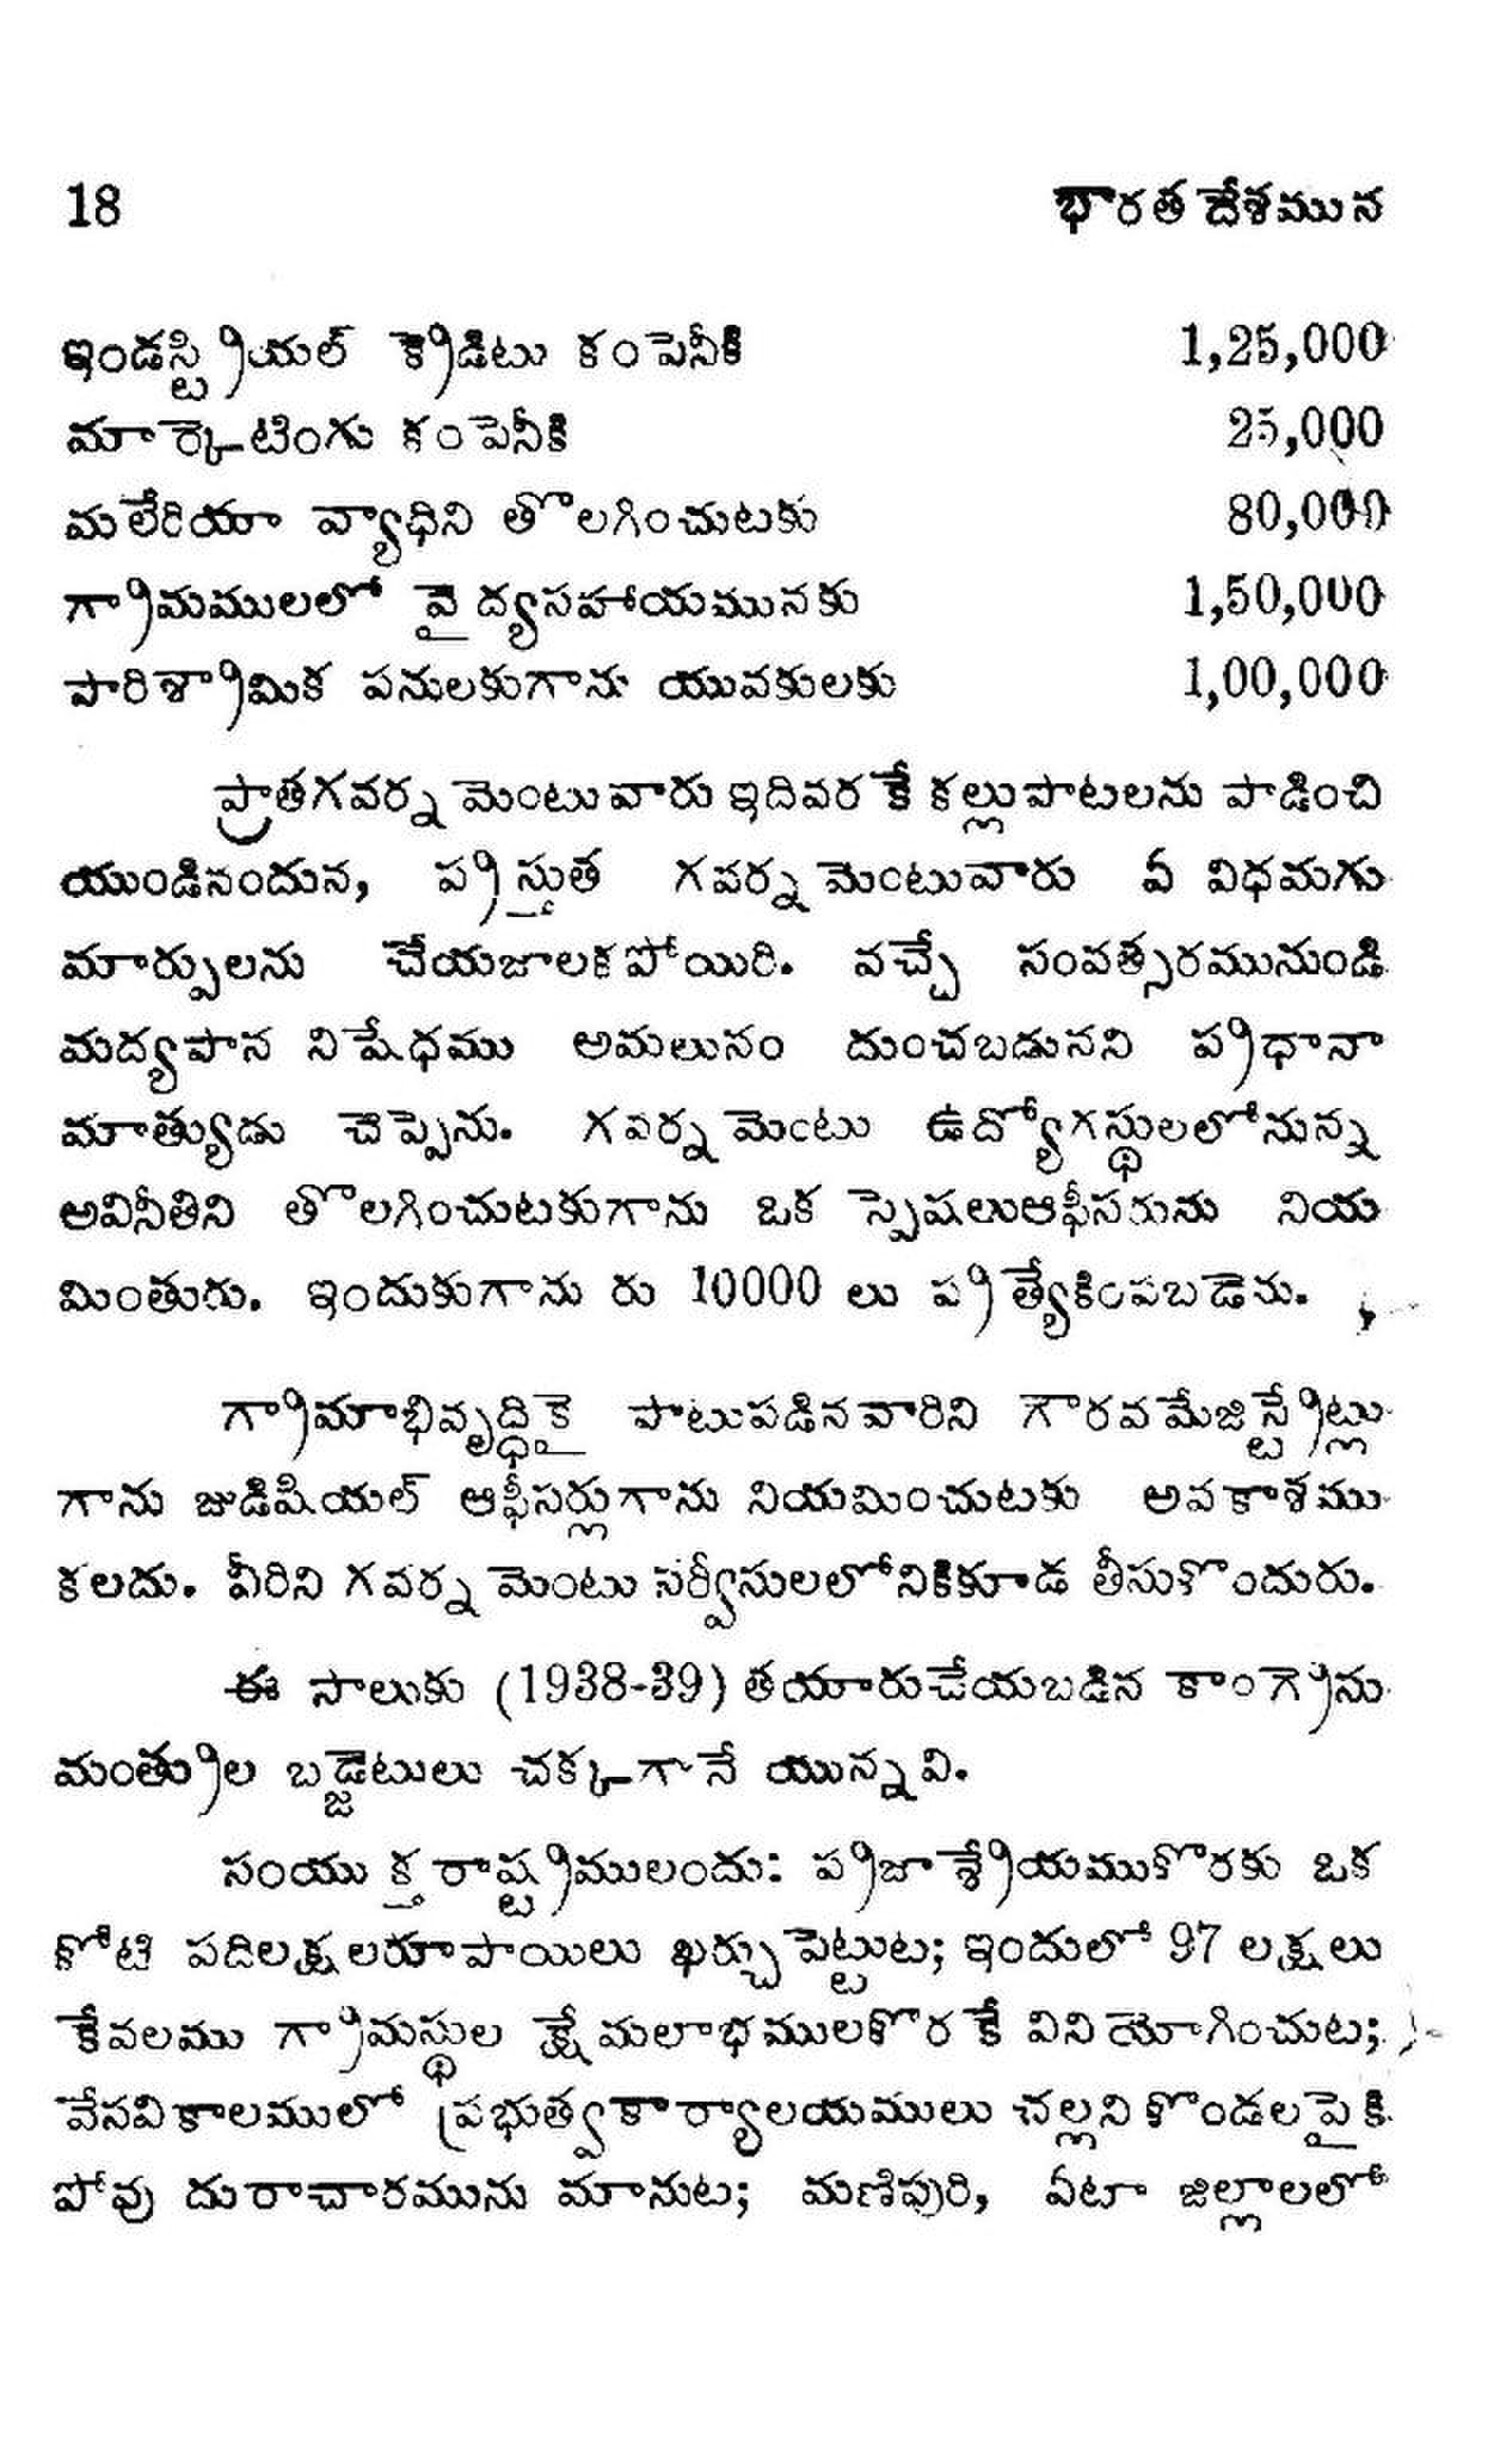ఇండస్ట్రియల్ క్రెడిటు కంపెనీకి 1,25,000 మార్కెటింగు కంపెనీకి 25,000 మలెరియా వ్యాధిని తొలగించుటకు 80,000 గ్రామములలో వైద్యసహాయమునకు 1,50,000 పారిశ్రామిక పనులకుగాను యువకులకు 1,00,000

ప్రాతగవర్నమెంటువారు ఇదివరకే కల్లుపాటలను పాడించి యుండినందున, ప్రస్తుత గవర్నమెంటువారు ఏ విధమగు మార్పులను చేయజాల పోయిరి. వచ్చే సంవత్సరమునుండి మద్యపాన నిషేధము అమలునం దుంచబడునని ప్రధానామాత్యుడు చెప్పెను. గవర్నమెంటు ఉద్యోగస్థులలోనున్న అవినీతిని తొలగించుటకుగాను ఒక స్పెషలు ఆఫీసరును నియమింతురు. ఇందుకుగాను రు 10000 లు ప్రత్యేకింపబడెను. 

గ్రామాభివృద్ధికై పాటుపడినవారిని గౌరవమేజిస్ట్రేట్లుగాను జుడిషియల్ ఆఫీసర్లుగాను నియమించుటకు అవకాశము కలదు. వీరిని గవర్నమెంటు సర్వీసులలోనికికూడ తీసుకొందురు.

ఈ సాలుకు (1938-39) తయారుచేయబడిన కాంగ్రెనుమంత్రుల బడ్జెటులు చక్కగానే యున్నవి.

సంయుక్తరాష్ట్రములందు: ప్రజాశ్రేయముకొరకు ఒకకోటి పదిలక్షలరూపాయిలు ఖర్చుపెట్టుట; ఇందులో 97 లక్షలు కేవలము గ్రామస్థుల క్షేమలాభములకొరకే వినియోగించుట; వేసవికాలములో ప్రభుత్వకార్యాలయములు చల్లని కొండలపైకి పోవు దురాచారమును మానుట; మణిపురి, ఏటా జిల్లాలలో